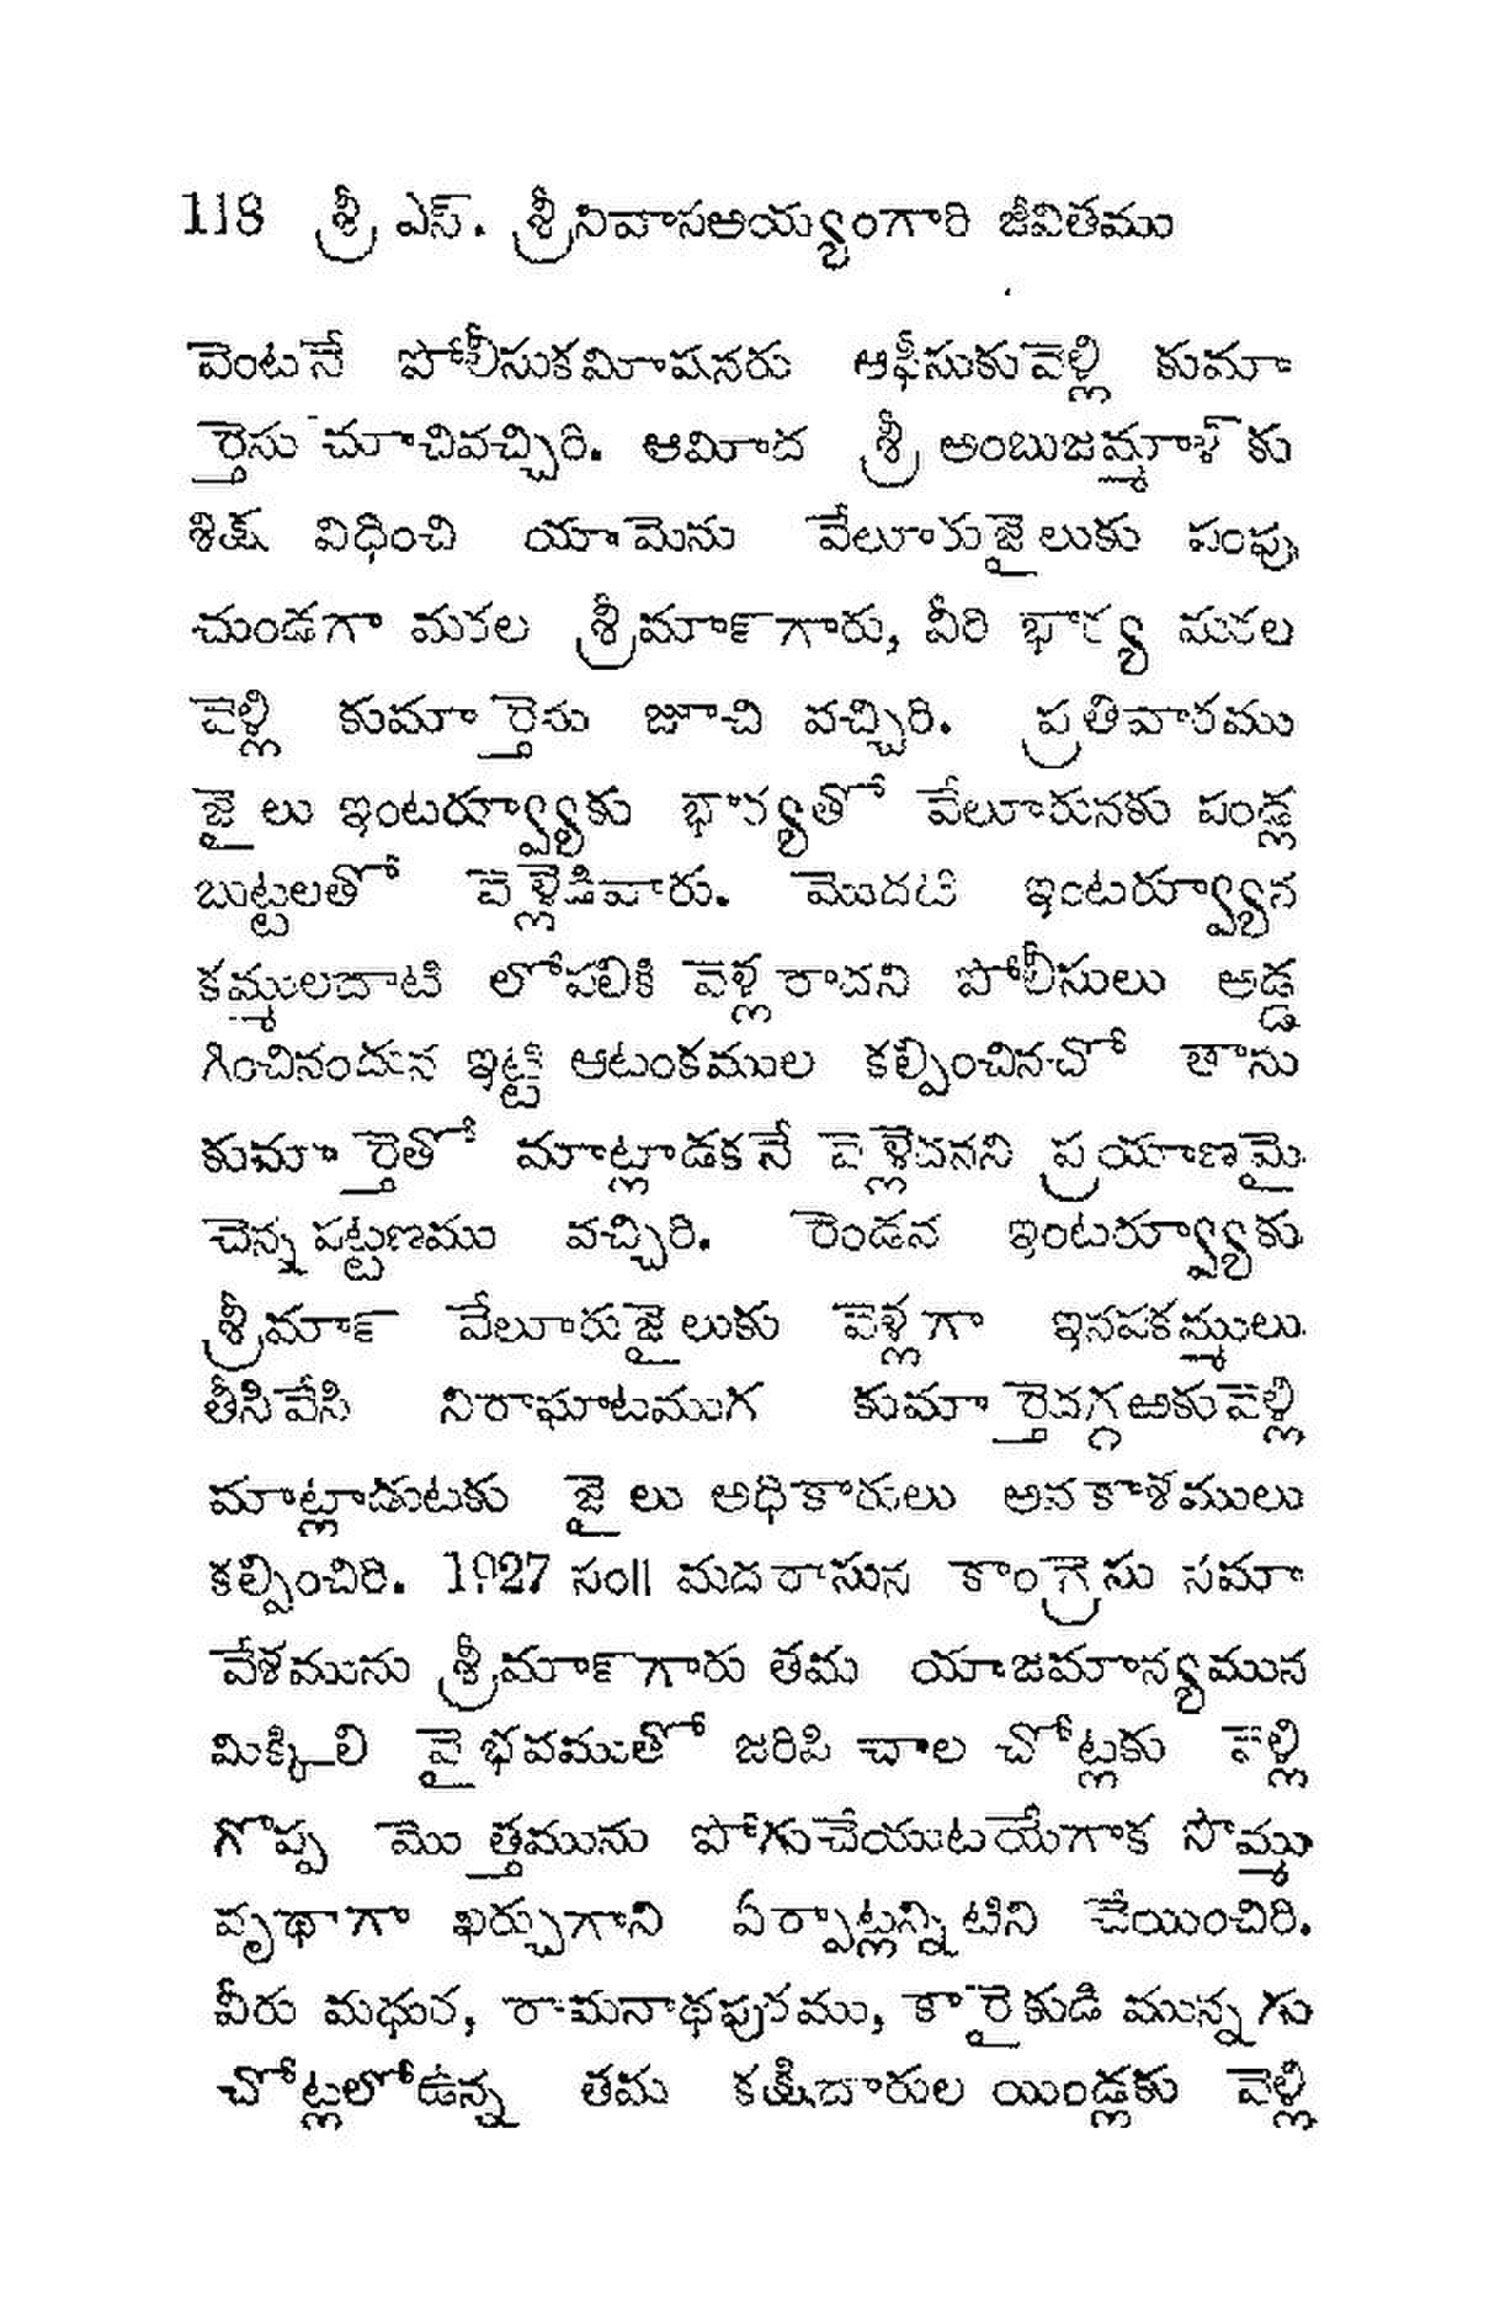వెంటనే పోలీసుకమీషనరు. ఆఫీసుకువెళ్లి కుమార్తెను చూచివచ్చిరి. ఆమీద శ్రీ అంబుజమ్మాళ్‌కు శిక్ష విధించి యామెను వేలూరుజైలుకు పంపుచుండగా మరల శ్రీమా౯గారు, వీరి భార్య మరల వెళ్లి కుమార్తెను జూచి వచ్చిరి. ప్రతివారము జైలు ఇంటర్వ్యూకు భార్యతో వేలూరునకు పండ్ల బుట్టలతో వెళ్లెడివారు. మొదటి ఇంటర్వ్యూన కమ్ములదాటి లోపలికి వెళ్లరాదని పోలీసులు అడ్డగించినందున ఇట్టి ఆటంకముల కల్పించినచో తాను కుమార్తెతో మాట్లాడకనే వెళ్లెదనని ప్రయాణమై చెన్నపట్టణము వచ్చిరి. రెండన ఇంటర్వ్యూకు శ్రీమా౯ వేలూరుజైలుకు వెళ్లగా ఇనపకమ్ములు. తీసివేసి నిరాఘాటముగ కుమార్తెదగ్గఱకువెళ్లి మాట్లాడుటకు జైలు అధికారులు అవకాశములు కల్పించిరి. 1927 సం|| మదరాసున కాంగ్రెసు సమావేశమును శ్రీమా౯గారు తమ యాజమాన్యమున మిక్కిలి వైభవముతో జరిపి చాల చోట్లకు వెళ్లి గొప్ప మొత్తమును పోగుచేయుటయేగాక సొమ్ము వృథాగా ఖర్చుగాని ఏర్పాట్లన్నిటిని చేయించిరి. వీరు మధుర, రామనాథపురము, కారైకుడి మున్నగు చోట్లలోఉన్న తమ కక్షిదారుల యిండ్లకు వెళ్లి